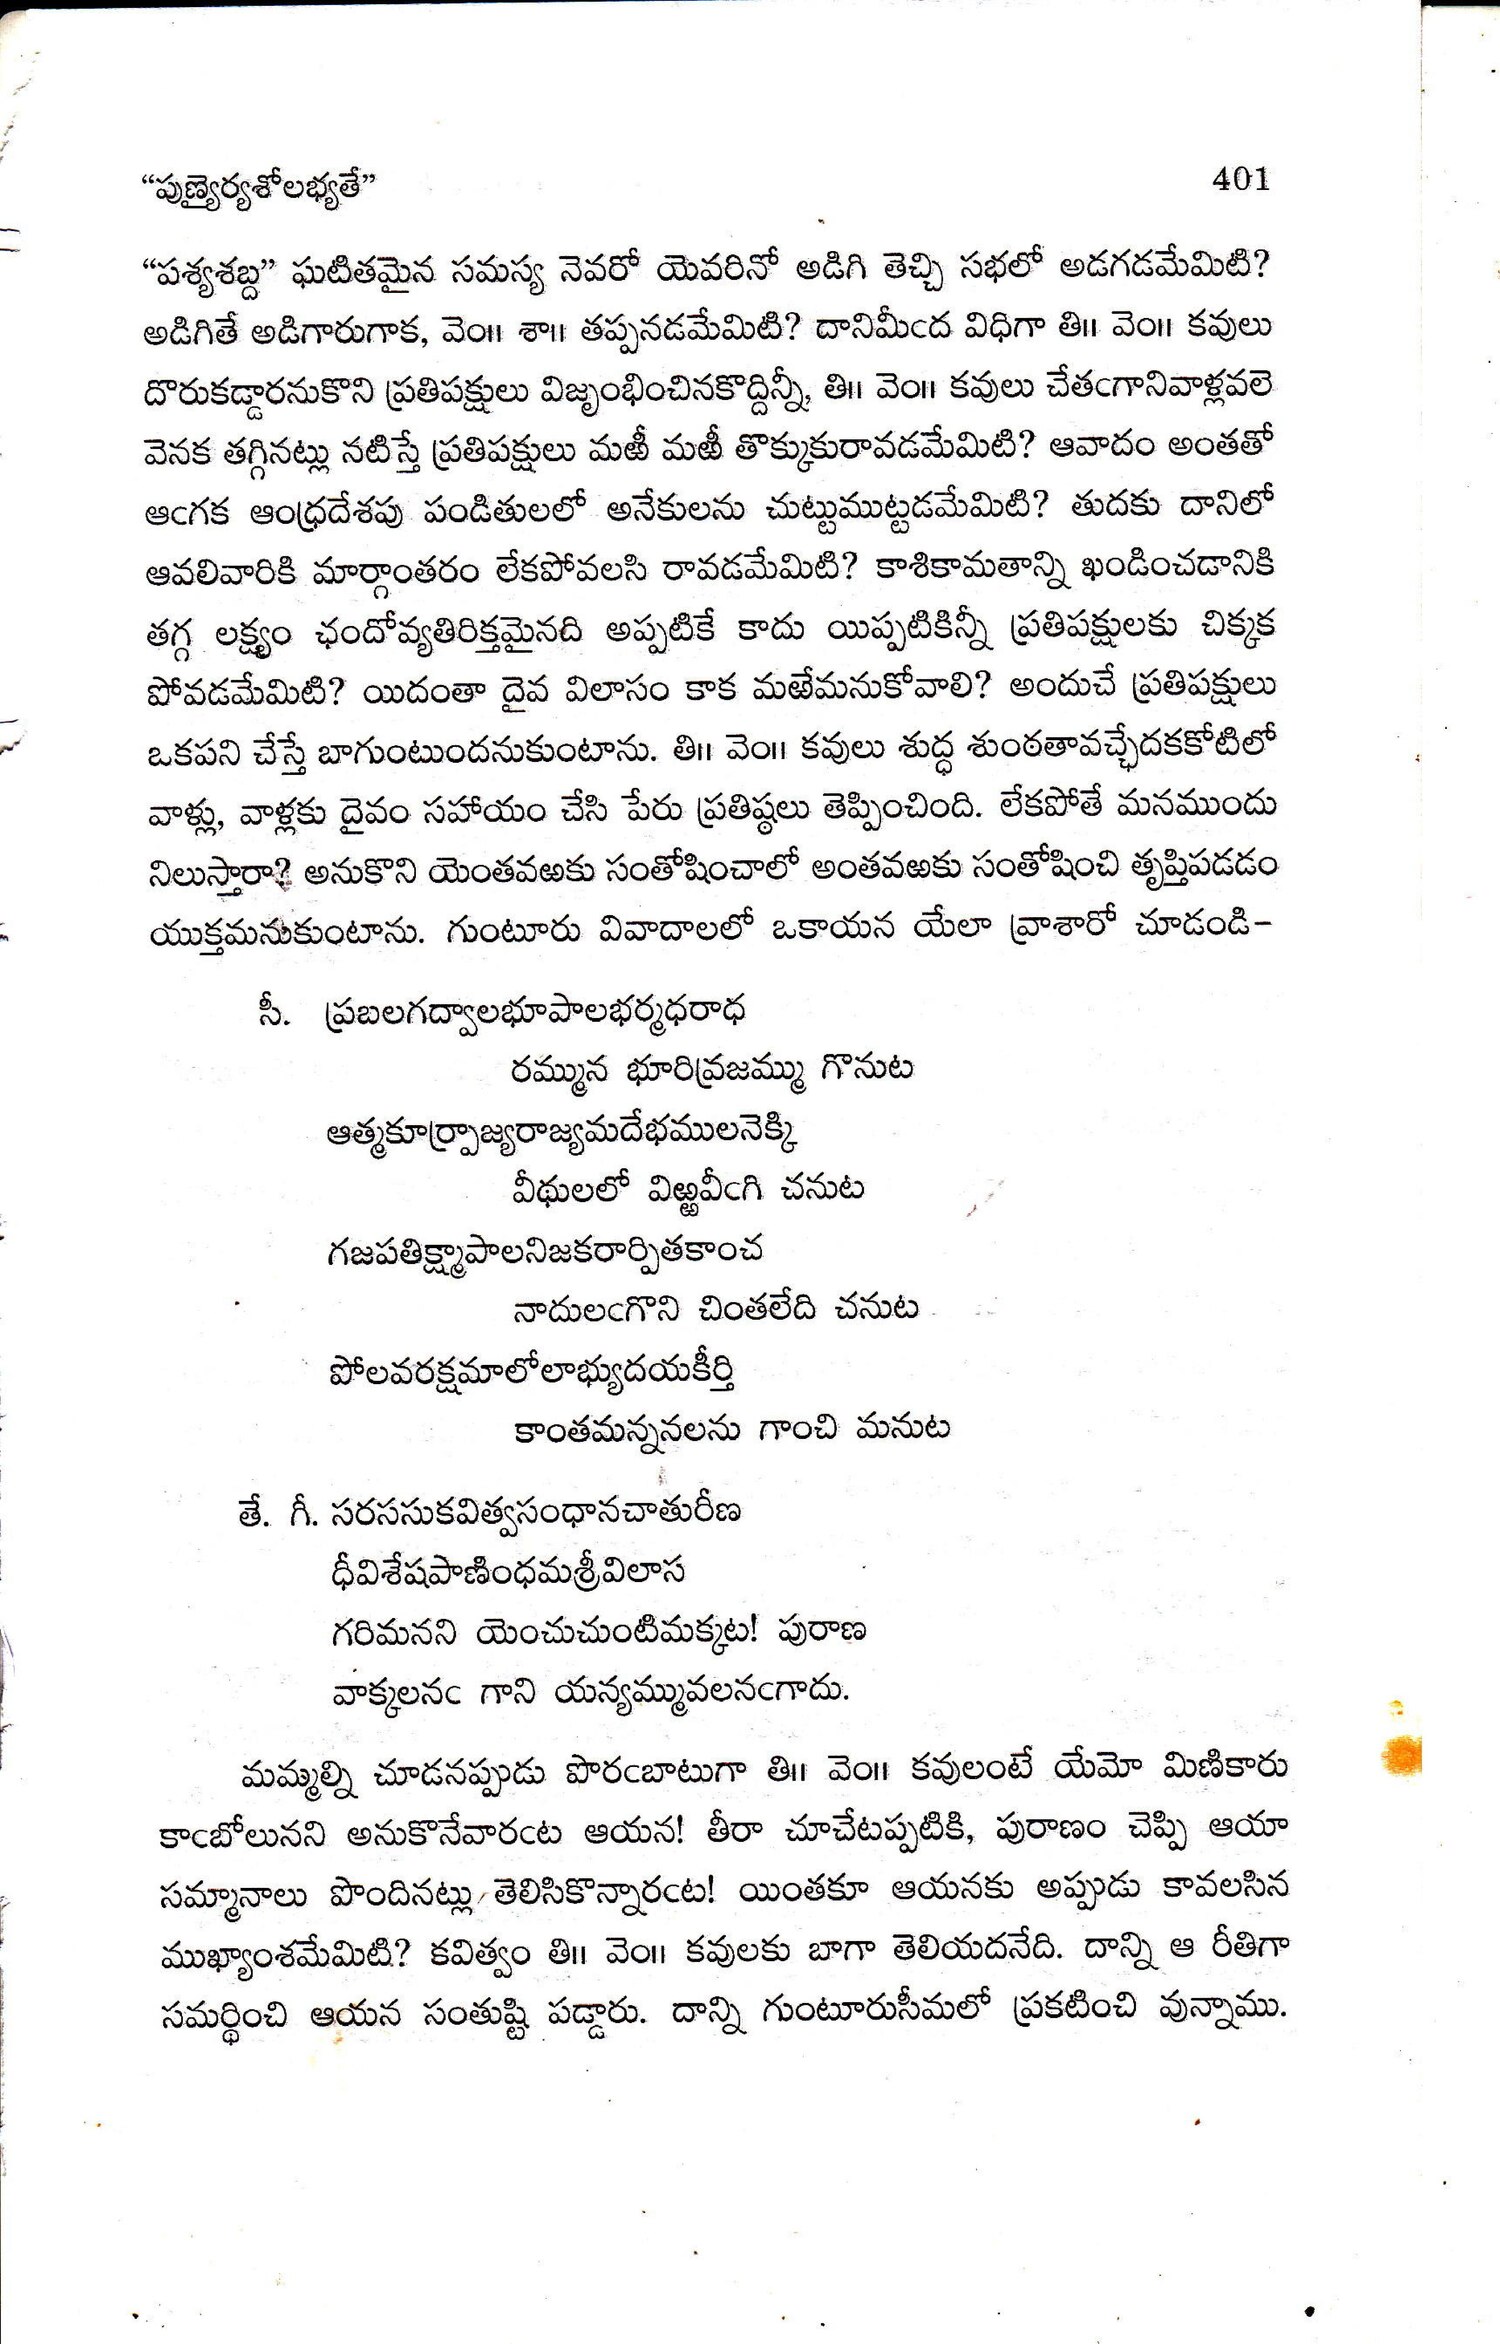“పశ్యశబ్ద" ఘటితమైన సమస్య నెవరో యెవరినో అడిగి తెచ్చి సభలో అడగడమేమిటి? అడిగితే అడిగారుగాక, వెంll శా|| తప్పనడమేమిటి? దానిమీఁద విధిగా తి|| వెం|| కవులు దొరుకడ్డారనుకొని ప్రతిపక్షులు విజృంభించినకొద్దిన్నీ తి|| వెం|| కవులు చేతంగానివాళ్లవలె వెనక తగ్గినట్లు నటిస్తే ప్రతిపక్షులు మఱీ మఱీ తొక్కుకురావడమేమిటి? ఆవాదం అంతతో ఆఁగక ఆంధ్రదేశపు పండితులలో అనేకులను చుట్టుముట్టడమేమిటి? తుదకు దానిలో ఆవలివారికి మార్గాంతరం లేకపోవలసి రావడమేమిటి? కాశికామతాన్ని ఖండించడానికి తగ్గ లక్ష్యం ఛందోవ్యతిరిక్తమైనది అప్పటికే కాదు యిప్పటికిన్నీ ప్రతిపక్షులకు చిక్కక పోవడమేమిటి? యిదంతా దైవ విలాసం కాక మఱేమనుకోవాలి? అందుచే ప్రతిపక్షులు ఒకపని చేస్తే బాగుంటుందనుకుంటాను. తి|| వెం|| కవులు శుద్ధ శుంఠతావచ్ఛేదకకోటిలో వాళ్లు, వాళ్లకు దైవం సహాయం చేసి పేరు ప్రతిష్ఠలు తెప్పించింది. లేకపోతే మనముందు నిలుస్తారా? అనుకొని యెంతవఱకు సంతోషించాలో అంతవఱకు సంతోషించి తృప్తిపడడం యుక్తమనుకుంటాను. గుంటూరు వివాదాలలో ఒకాయన యేలా వ్రాశారో చూడండి-

సీ. ప్రబలగద్వాలభూపాలభర్మధరాధ
 రమ్మున భూరివ్రజమ్ము గొనుట 
 ఆత్మకూర్ప్రాజ్యరాజ్యమదేభములనెక్కి
 వీధులలో విఱ్ఱవీఁగి చనుట 
 గజపతిక్ష్మాపాలనిజకరార్పితకాంచ
 నాదులఁగొని చింతలేది చనుట 
 పోలవరక్షమాలోలాభ్యుదయకీర్తి
 కాంతమన్ననలను గాంచి మనుట

తే.గీ. సరససుకవిత్వసంధానచాతురీణ
 ధీవిశేషపాణింధమశ్రీవిలాస 
 గరిమనని యెంచుచుంటిమక్కట! పురాణ 
 వాక్కలనఁ గాని యన్యమ్మువలనఁగాదు.
మమ్మల్ని చూడనప్పుడు పొరఁబాటుగా తి|| వెం|| కవులంటే యేమో మిణికారు కాcబోలునని అనుకొనేవారఁట ఆయన! తీరా చూచేటప్పటికి, పురాణం చెప్పి ఆయా సమ్మానాలు పొందినట్లు తెలిసికొన్నారఁట! యింతకూ ఆయనకు అప్పుడు కావలసిన ముఖ్యాంశమేమిటి? కవిత్వం తి|| వెం|| కవులకు బాగా తెలియదనేది. దాన్ని ఆ రీతిగా సమర్ధించి ఆయన సంతుష్టి పడ్డారు. దాన్ని గుంటూరుసీమలో ప్రకటించి వున్నాము.